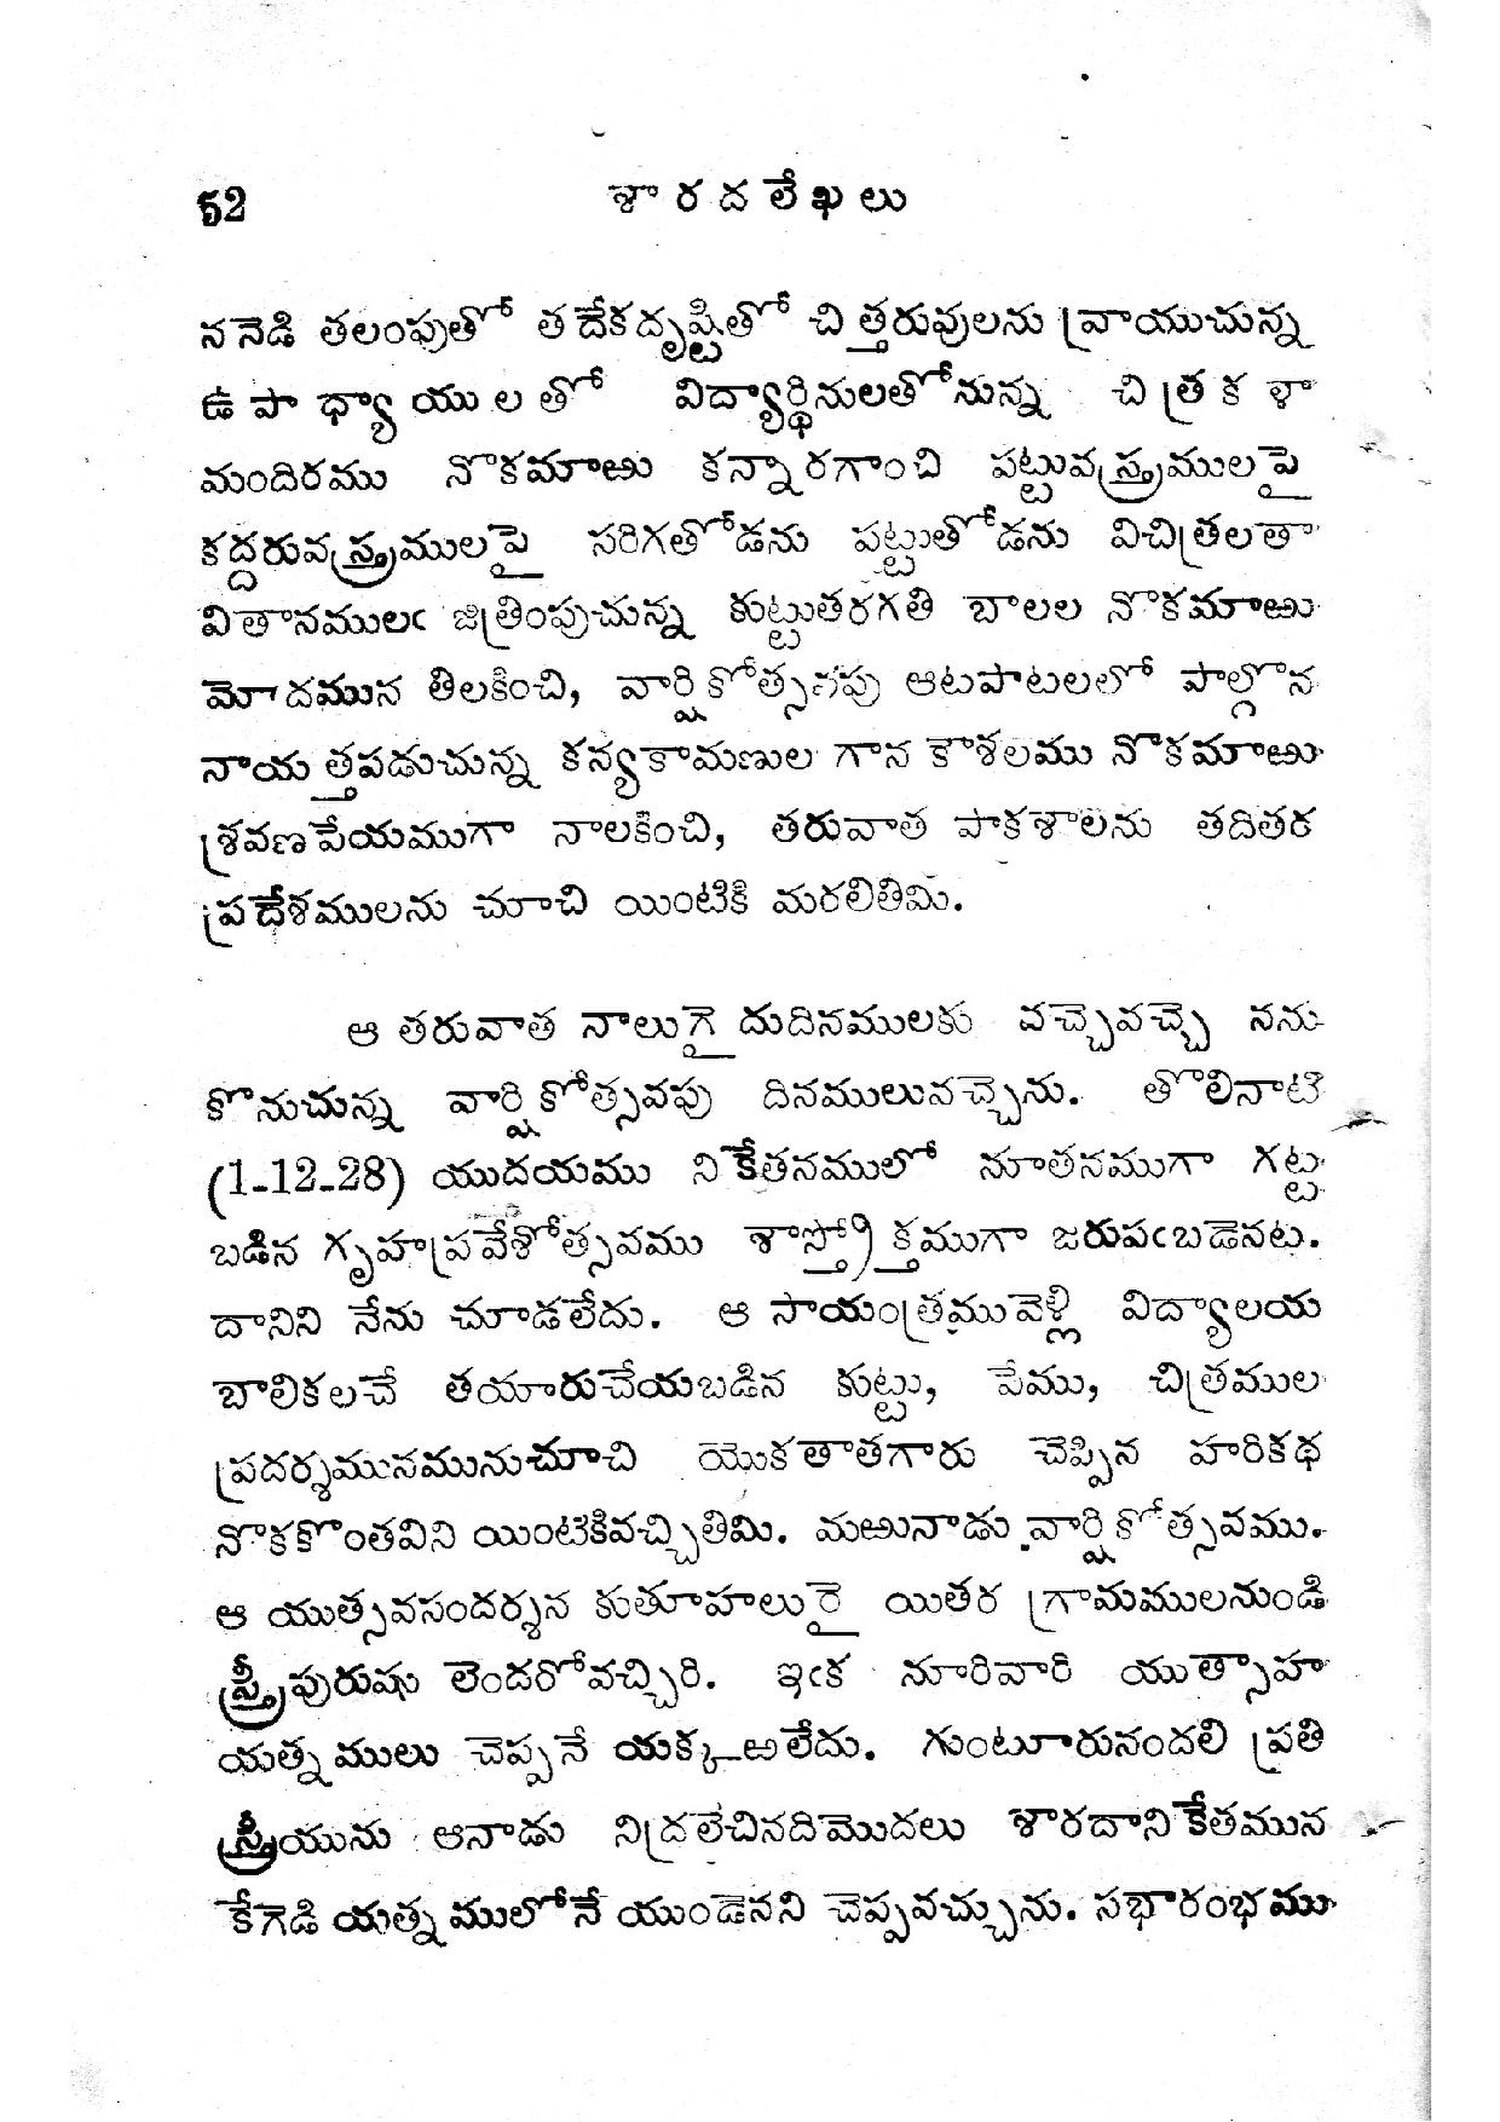ననెడి తలంపుతో తదేకదృష్టితో చిత్తరువులను వ్రాయుచున్న ఉపాధ్యాయులతో విద్యార్థినులతోనున్న చిత్రకళా
మందిరము నొకమాఱు కన్నారగాంచి పట్టువస్త్రములపై కద్దరువస్త్రములపై సరిగతోడను పట్టుతోడను విచిత్రలతా వితానములఁ జిత్రింపుచున్న కుట్టుతరగతి బాలల నొకమాఱు మోదమున తిలకించి, వార్షికోత్సవపు ఆటపాటలలో పాల్గొన నాయత్తపడుచున్న కన్యకామణుల గాన కౌశలము నొకమాఱు
శ్రవణపేయముగా నాలకించి, తరువాత పాఠశాలను తదితర ప్రదేశములను చూచి యింటికి మరలితిమి.

ఆ తరువాత నాలుగైదుదినములకు వచ్చెవచ్చె ననుకొనుచున్న వార్షికోత్సవపు దినములువచ్చెను. తొలినాటి
(1 - 12 - 28) యుదయము నికేతనములో నూతనముగా గట్టబడిన గృహప్రవేశోత్సవము శాస్త్రోక్తముగా జరుపఁబడెనట. దానిని నేను చూడలేదు. ఆ సాయంత్రమువెళ్లి విద్యాలయబాలికలచే తయారుచేయబడిన కుట్టు, పేము, చిత్రముల ప్రదర్శమునమునుచూచి యొకతాతగారు చెప్పిన హరికథ నొకకొంతవిని యింటికివచ్చితిమి. మఱునాడు వార్షికోత్సవము. ఆ యుత్సవసందర్శన కుతూహలురై యితర గ్రామములనుండి స్త్రీపురుషు లెందరోవచ్చిరి. ఇఁక నూరివారి యుత్సాహ యత్నములు చెప్పనే యక్కఱలేదు. గుంటూరునందలి ప్రతి స్త్రీయును ఆనాడు నిద్రలేచినదిమొదలు శారదానికేతమున కేగెడి యత్నములోనే యుండెనని చెప్పవచ్చును. సభారంభము